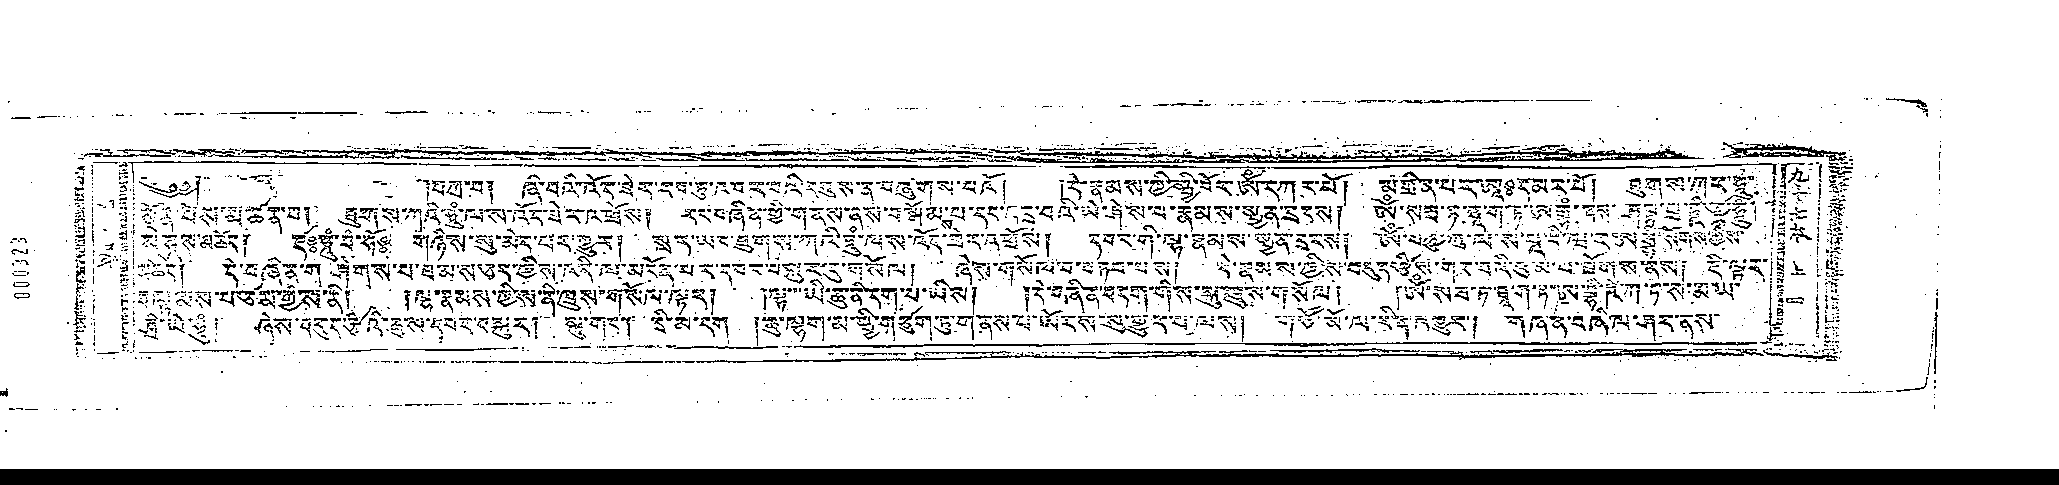༄༅། །བཀྲ་བ། ཞི་བའི་འོད་ཟེར་རབ་ཏུ་འབར་བའི་དབུས་ན་བཞུགས་པའོ། །དེ་རྣམས་ཀྱི་སྤྱི་བོར་ཨོཾ་དཀར་པོ། མགྲིན་པར་ཨཱཿ དམར་པོ། ཐུགས་ཀར་ཧཱུ་
སྔོན་པོས་མཚན་པ། ཐུགས་ཀའི་ཧཱུཾ་ལས་འོད་ཟེར་འཕྲོས། རང་བཞིན་གྱི་གནས་ནས་བསྒོམས་པ་དང་འདྲ་བའི་ཡེ་ཤེས་པ་རྣམས་སྤྱན་དྲངས། ཨོཾ་སརྦ་ཏ་ཐཱ་ག་ཏ་ཨརྒྷཾ་ནས་ཤབཏ་པྲ་ཏཱི་ཙྪ་ཧཱུཾ་
སྭཱ་ཧཱ་ས་མཆོད། ཛཿ ཧཱུཾ་བཾ་ཧོཿ གཉིས་སུ་མེད་པར་གྱུར། སླར་ཡང་ཐུགས་ཀའི་ཧཱུཾ་ལས་འོད་ཟེར་འཕྲོས། དབང་གི་ལྷ་རྣམས་སྤྱན་དྲངས། ཨོཾ་པཉྩ་ཀུ་ལ་ས་པཱ་རི་ཝ་ར་ཨརྒྷཾ་སོགས་ཀྱིས་
མཆོད། དེ་བཞིན་གཤེགས་པ་ཐམས་ཅད་ཀྱིས་འདི་ལ་མངོན་པར་དབང་བསྐུར་དུ་གསོལ་ཞེས་གསོལ་བ་བཏབ་པས། དེ་རྣམས་ཀྱིས་བདུད་རྩིས་གད་བའི་བུམ་པ་ཐོགས་ནས། ཇི་ལྟར་
བལྟམས་པ་ཙམ་གྱིས་ནི། །ལྷ་རྣམས་ཀྱིས་ནི་ཁྲུས་གསོལ་ལྟར། །ལྷ་ཡི་ཆུ་ནི་དག་པ་ཡིས། །དེ་བཞིན་བདག་གིས་སྐུ་ཁྲུས་གསོལ། །ཨོཾ་སརྦ་ཏ་ཐཱ་ག་ཏ་ཨ་བྷི་ཥེ་ཀ་ཏ་ས་མ་ཡ་
ཤྲི་ཡེ་ཧཱུཾ། ཞེས་བདུད་རྩིའི་ཆུས་དབང་བསྐུར། སྐུ་གང་། དྲི་མ་དག །ཆུ་ལྷག་མ་སྤྱི་གཙུག་ཏུ་གནས་པ་ཡོངས་སུ་གྱུར་པ་ལས། གཙོ་མོ་ལ་རིན་འབྱུང་། གཞན་བཞི་ལ་ཤར་ནས་